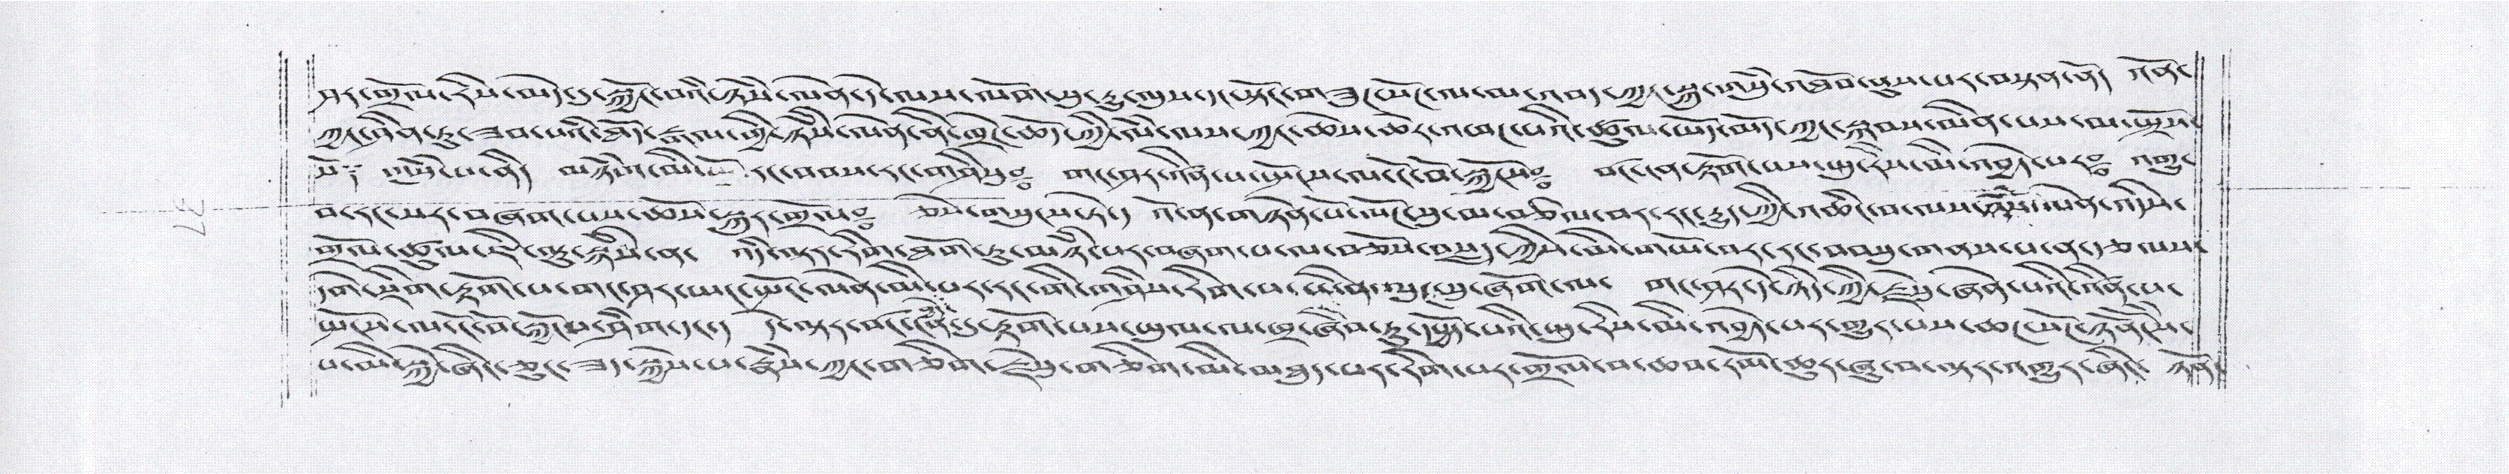ཤར་གྲོལ་རིས་མེད་དུ་སྐྱོང་བའི་ཉམས་ལེན་དེ་ལས་ལོགས་སུ་རྒྱུ་ལུས་དང་སྟོང་གཟུགས་སོགས་ལ་མ་འབད་ཀྱང་སྐུ་གསུམ་འཐོབ་ནུས་པར་བསྟན་ནོ། འོན་
ཀྱང་ཤིན་ཏུ་ཟབ་པའི་ཐོད་རྒལ་གྱི་ཉམས་ལེན་ནི་ཁྲེགས་ཆོད་ཀྱི་ལམ་ལས་ཆེས་ཆེར་འཕགས་པའི་ཚུལ་ཡོད་མོད་ཀྱང་སྐབས་མིན་པས་མ་སྤྲོས་
སོ། གསུམ་པ་ནི། མཉམ་གཞག་མི་གཡོ་རང་བབས་རང་གཤིས་སུཿ གང་ཤར་འཛིན་པ་སྤོངས་ལ་ངོ་བོ་སྐྱོངསཿ བཟང་ངན་རྟོག་པས་སྤུ་རིས་མི་འབྱེད་པརཿ འགྱུ་
བ་རང་སར་བཞག་པས་ཆོས་སྐུར་གྲོལཿ ཅེས་གསུངས་ཏེ། འོ་ན་གཉེན་པོ་ལོགས་སུ་མ་བཙལ་བར་རང་རྒྱུད་ཀྱི་འཆིང་བ་ལས་ཉམས་ལེན་འདིའི་
གྲོལ་ཚུལ་ཇི་ལྟ་བུ་སྙམ་ན། འདི་ལྟར་རིག་ཐོག་ཏུ་མཉམ་པར་བཞག་པ་ལ་བཅོས་སླད་ཀྱིིས་མི་གཡོ་བར་རང་བབས་སུ་གནས་པ་ན་རྩལ་ལས་
དགེ་སྡིག་རྟོག་པ་གང་ཤར་ཡང་སྤང་ལེན་མི་བྱེད་པར་རང་གི་གཤིས་རིག་པ་ཡིན་ལུགས་སུ་ཞོག་ལ། གང་ཤར་དེ་ཉིད་ཀྱི་རྗེས་སུ་ཞེན་པའི་འཛིན་པ་
སྤོང་ལ་ངོ་བོ་སྐྱོངས་ཤིག་དང་། དེ་ལྟར་བཟང་ངན་དུ་རྟོག་པས་ཡུལ་ལ་ཕྲ་ཞིབ་ཏུ་དཔྱོད་པའི་སྤུ་རིས་མི་འབྱེད་པར་གྱུར་པས་ཆགས་སོགས་ཉོན་མོངས་
པ་མི་སྐྱེ་ཞིང་ཅུང་ཟད་སྐྱེས་པ་རྣམས་ཀྱང་གཅིག་རྗེས་སུ་གཅིག་མི་མཐུད་པར་རིག་པར་གྲོལ་བ་ཆབ་རོམ་ཆུར་ཞུ་བ་ལྟར་འགྱུར་ཞིང་། ཉོན་